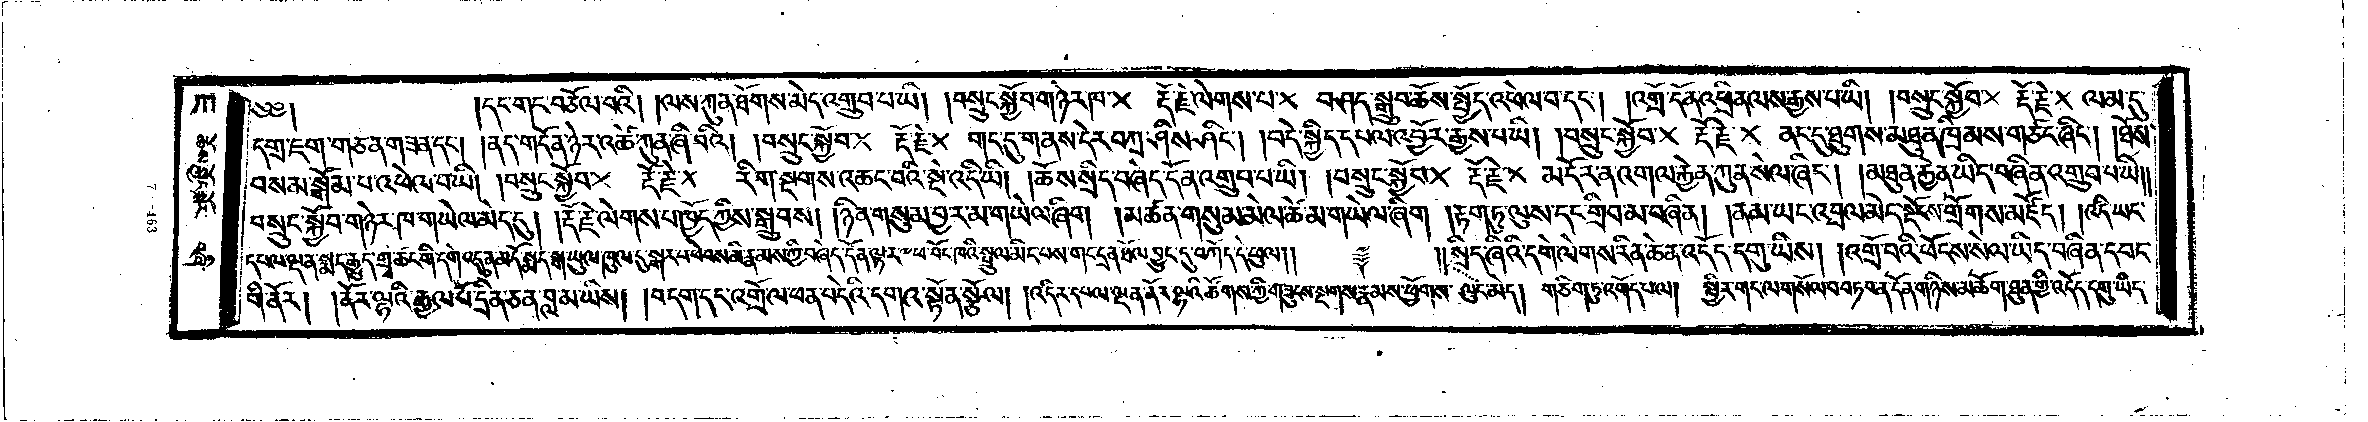༄༅། །དད་གང་བཅོལ་པའི། །ལས་ཀུན་ཐོགས་མེད་འགྲུབ་པ་ཡི། །བསྲུང་སྐྱོབ་གཉེར་ཁ་྾་རྡོ་རྗེ་ལེགས་པ་྾་བཤད་སྒྲུབ་ཆོས་སྤྱོད་འཕེལ་བ་དང་། །འགྲོ་དོན་འཕྲིན་ལས་རྒྱས་པ་ཡི། །བསྲུང་སྐྱོབ་྾་རྡོ་རྗེ་྾་ལམ་དུ་
དགྲ་ཇག་གཅན་གཟན་དང་། །ནད་གདོན་ཉེར་འཚེ་ཀུན་ཞི་བའི། །བསྲུང་སྐྱོབ་྾་རྡོ་རྗེ་྾་གང་དུ་གནས་དེར་བཀྲ་ཤིས་ཤིང་། །བདེ་སྐྱིད་དཔལ་འབྱོར་རྒྱས་པ་ཡི། །བསྲུང་སྐྱོབ་྾་རྡོ་རྗེ་྾་ནང་དུ་ཐུགས་མཐུན་ཁྲིམས་གཙང་ཞིང་། །ཐོས་
བསམ་སྒོམ་པ་འཕེལ་བ་ཡི། །བསྲུང་སྐྱོབ་྾་རྡོ་རྗེ་྾་རིག་སྔགས་འཆང་བའི་སྡེ་འདི་ཡི། །ཆོས་སྲིད་བཞེད་དོན་འགྲུབ་པ་ཡི། །བསྲུང་སྐྱོབ་྾་རྡོ་རྗེ་྾་མདོར་ན་འགལ་རྐྱེན་ཀུན་སེལ་ཞིང་། །མཐུན་རྐྱེན་ཡིད་བཞིན་འགྲུབ་པ་ཡི།།
བསྲུང་སྐྱོབ་གཉེར་ཁ་གཡེལ་མེད་དུ། །རྡོ་རྗེ་ལེགས་པ་ཁྱོད་ཀྱིས་སྒྲུབས། །ཉིན་གསུམ་བྱ་རམ་གཡེལ་ཞིག །མཚན་གསུམ་མེལ་ཚེམ་གཡེལ་ཞིག །རྟག་ཏུ་ལུས་དང་གྲིབ་མ་བཞིན། །ནམ་ཡང་འབྲལ་མེད་སྡོངས་གྲོགས་མཛོད། །འདི་ཡང་
དཔལ་ལྡན་སྨད་རྒྱུད་གྲྭ་ཚང་གི་དགེ་འདུན་མདོ་སྨད་སྒ་ཡུལ་ཁུལ་དུ་སྒང་བ་ཕེབས་མི་རྣམས་ཀྱི་བཞེད་དོན་ལྟར་ཕ་བོང་?་ཡིད་པས་གང་དྲན་ཐོལ་བྱུང་དུ་བཀོད་དེ་ཕུལ།། ༈ །། ལུང་མེད།  སྲིད་ཞིའི་དགེ་ལེགས་རིན་ཆེན་འདོད་དགུ་ཡིས། །འགྲོ་བའི་ཕོངས་སེལ་ཡིད་བཞིན་དབང་
གི་ནོར། །ནོར་ལྷའི་རྒྱལ་པོ་དྲིན་ཅན་བླ་མ་ཡིས། །བདག་དང་འགྲོ་ལ་ཕན་བདེའི་དགའ་སྟོན་སྩོལ། །འདིར་དཔལ་ལྡན་ནོར་ལྷའི་ཚོགས་ཀྱི་གཟུངས་སྔགས་རྣམས་ཕྱོགས་གཅིག་ཏུ་འགོད་པ་ལ། སྤྱིར་གང་ལ་གསོལ་བ་བཏབ་ན་དོན་གཉིས་མཆོག་ཐུན་གྱི་འདོད་དགུ་ཡིད་